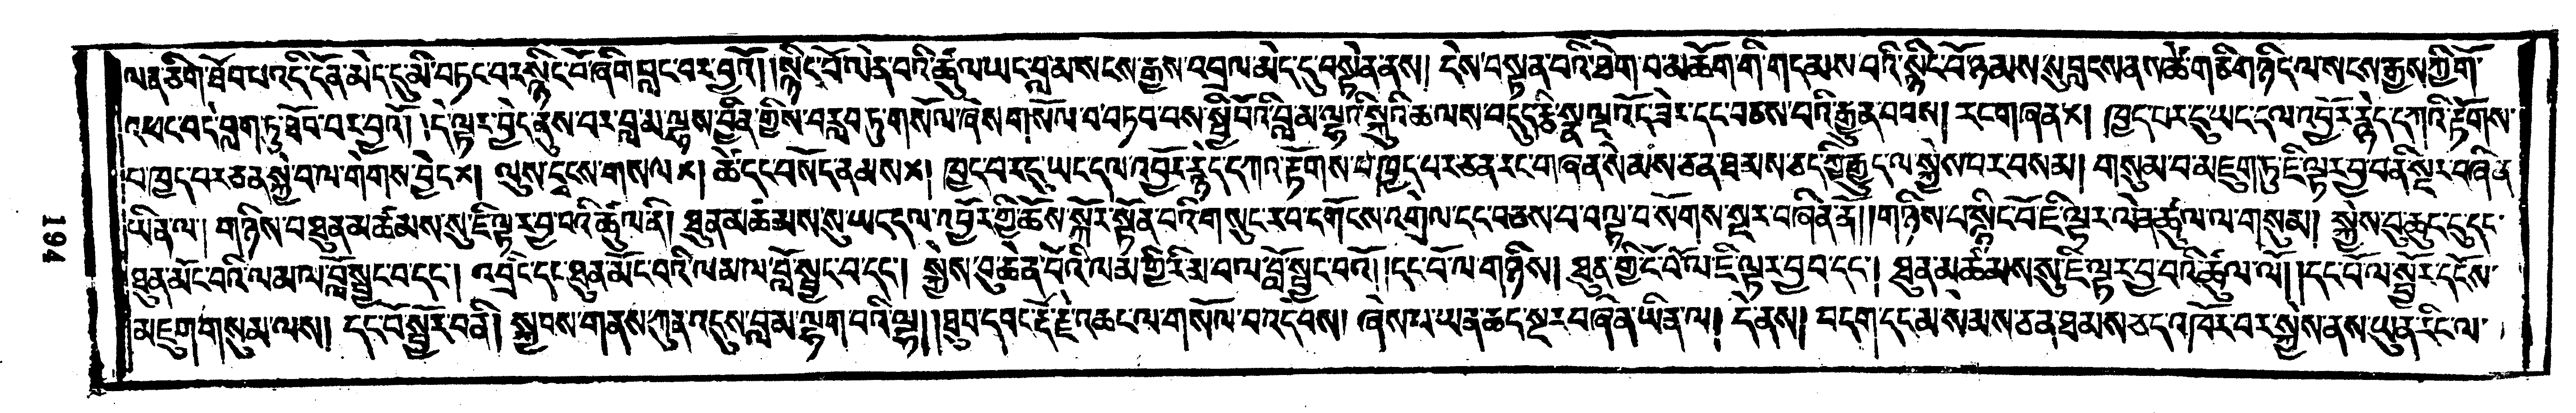ལན་ཅིག་ཐོབ་པ་འདི་དོན་མེད་དུ་མི་བཏང་བར་སྙིང་པོ་ཞིག་བླང་བར་བྱའོ། །སྙིང་པོ་ལེན་བའི་ཚུལ་ཡང་བླ་མ་སངས་རྒྱས་འབྲལ་མེད་དུ་བསྟེན་ནས། དེས་བསྟན་པའི་ཐེག་བ་མཆོག་གི་གདམས་བའི་སྙིང་པོ་ཉམས་སུ་བླངས་ནས་ཚེ་གཅིག་ཉིད་ལ་སངས་རྒྱས་ཀྱི་གོ་
འཕང་བདེ་བླག་ཏུ་ཐོབ་པར་བྱའོ། །དེ་ལྟར་བྱེད་ནུས་བར་བླ་མ་ལྷས་བྱིན་གྱིས་བརླབ་ཏུ་གསོལ་ཞེས་གསོལ་བ་བཏབ་བས་སྦྱི་བོའི་བླ་མ་ལྷའི་སྐུའི་ཆ་ལས་བདུད་རྩི་སྣ་ལྔ་འོད་ཟེར་དང་བཅས་པའི་རྒྱུན་བབས། རང་གཞན་྾། ཁྱད་པར་དུ་ཡང་དལ་འབྱོར་རྙེད་དཀའི་རྟོགས་
པ་ཁྱད་པར་ཅན་སྐྱེ་བ་ལ་གེགས་བྱེད་྾། ལུས་དྭངས་གསལ་྾། ཚེ་དང་བསོད་ནམས་྾། ཁྱད་པར་དུ་ཡང་དལ་འབྱོར་རྙེད་དཀའ་རྟོགས་པ་ཁྱད་པར་ཅན་རང་གཞན་སེམས་ཅན་ཐམས་ཅད་ཀྱི་རྒྱུད་ལས་སྐྱེས་པར་བསམ། གསུམ་བ་མཇུག་ཏུ་ཇི་ལྟར་བྱ་བ་ནི་སྔར་བཞིན་
ཡིན་ལ། གཉིས་པ་ཐུན་མཚམས་སུ་ཇི་ལྟར་བྱ་བའི་ཚུལ་ནི། ཐུན་མཚམས་སུ་ཡང་དལ་འབྱོར་གྱི་ཆོས་སྐོར་སྟོན་བའི་གསུང་རབ་དགོངས་འགྲེལ་དང་བཅས་བ་བལྟ་བ་སོགས་སྔར་བཞིན་ནོ། །གཉིས་པ་སྙིང་པོ་ཇི་ལྟར་ལེན་ཚུལ་ལ་གསུམ། སྐྱེས་བུ་ཆུང་ངུ་དང་
ཐུན་མོང་བའི་ལམ་ལ་བློ་སྦྱང་བ་དང་། འབྲིང་དང་ཐུན་མོང་བའི་ལམ་ལ་བློ་སྦྱང་བ་དང་། སྐྱེས་བུ་ཆེན་པོའི་ལམ་གྱི་རིམ་བ་ལ་བློ་སྦྱང་བའོ། །དང་པོ་ལ་གཉིས། ཐུན་གྱི་ངོ་བོ་ལ་ཇི་ལྟར་བྱ་བ་དང་། ཐུན་མཚམས་སུ་ཇི་ལྟར་བྱ་བའི་ཚུལ་ལོ། །དང་པོ་ལ་སྦྱོར་དངོས་
མཇུག་གསུམ་ལས། དང་པོ་སྦྱོར་བ་ནི། སྐྱབས་གནས་ཀུན་འདུས་བླ་མ་ལྷག་བའི་ལྷ། །ཐུབ་དབང་རྡོ་རྗེ་འཆང་ལ་གསོལ་བ་འདེབས། ཞེས་པ་ཡན་ཆད་སྔར་བཞིན་ཡིན་ལ། དེ་ནས། བདག་དང་མ་སེམས་ཅན་ཐམས་ཅད་འཁོར་བར་སྐྱེས་ནས་ཡུན་རིང་ལ་